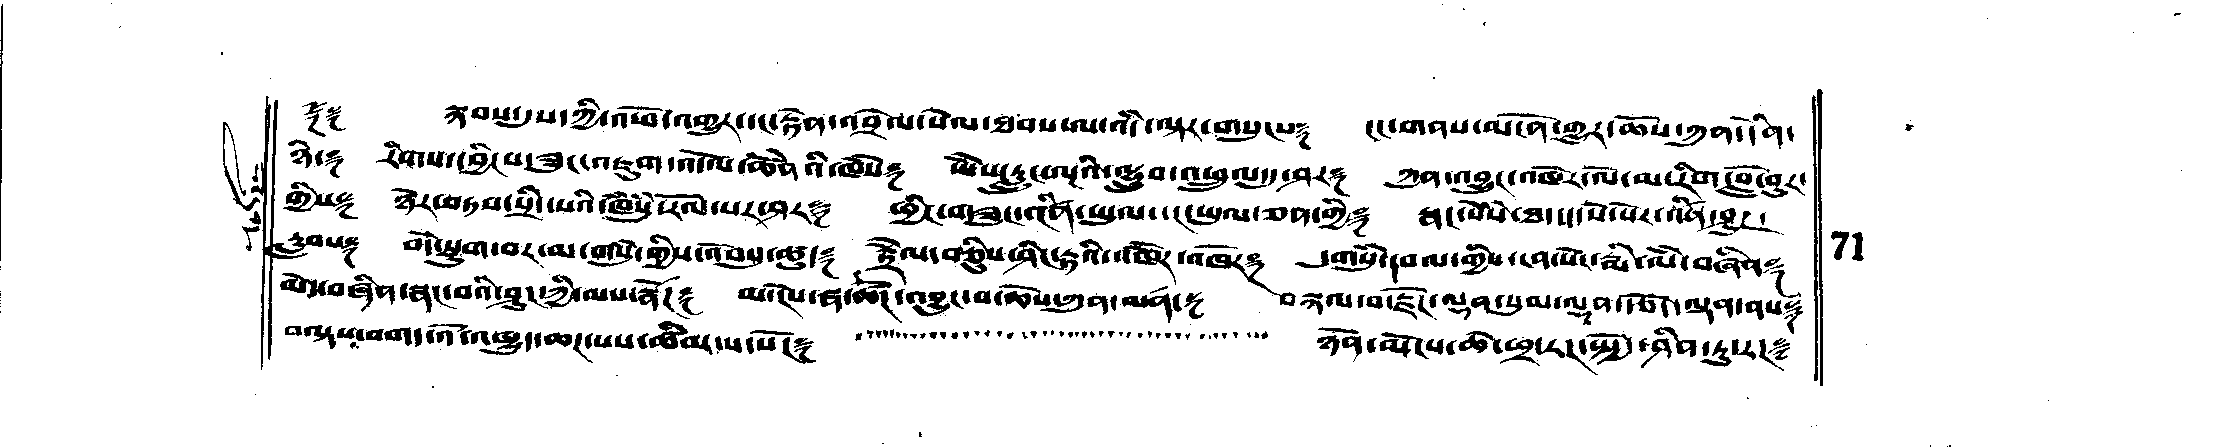སྐབས་དུས་ཀྱི་འཕོ་འགྱུར་དང་རྟེན་འབྲེལ་སེལ་ཐབས་ལ་འདི་ལྟར་གསུངས། ངང་གནས་མངོན་གྱུར་ཆོས་ཀུན་དེ་བཞིན་
ཉིད། །རིག་དབྱིངས་ཟུང་འཇུག་འོད་གསལ་ཆེན་པོའི་ཁམས། །ཡེ་ཤེས་རླུང་ལྔའི་ལྷུན་གྲུབ་འཕྲུལ་དུ་ཤར། །ཀུན་འབྱུང་འཁོར་ལོ་མ་རིག་གློ་བུར་
གྱིས། །ཉེར་བཏབ་སྲིད་པའི་ཁམས་སུ་རོལ་པར་ཤར། །ཕྱི་ནང་གཟུང་འཛིན་ཡུལ་དང་ཡུལ་ཅན་གྱི། །སྣང་སེམས་ཐ་དད་སོ་སོར་འཛིན་ཤུགས་
རླབས། །བདེ་སྡུག་བར་མ་གསུམ་གྱིས་འོབས་སུ་ཚུད། །རྟེན་འབྲེལ་བཅུ་གཉིས་ཤིང་རྟའི་འཁོར་ལོར་འཁོར། །དུག་གསུམ་དབལ་གྱིས་ངན་སོང་རྨི་ལམ་བཞིན། །
མེད་བཞིན་སྣང་བའི་ཤུགས་ཀྱི་ལས་སྣ་ཚོགས། །མ་ངེས་སྣ་ཚོགས་འབྱུང་བ་ཆོས་ཀུན་མཚན། །བསྐལ་པ་རྫོགས་ལྡན་སུམ་ལྡན་རྩོད་ལྡན་ནས། །
བལྟས་བགད་འོ་འཁྱུད་ཆགས་པས་ཚིམས་པ་སོགས། །ཉོན་མོངས་ཆེ་ཕྲ་རགས་སྤྱོད་ཤིན་ཏུ་རགས།